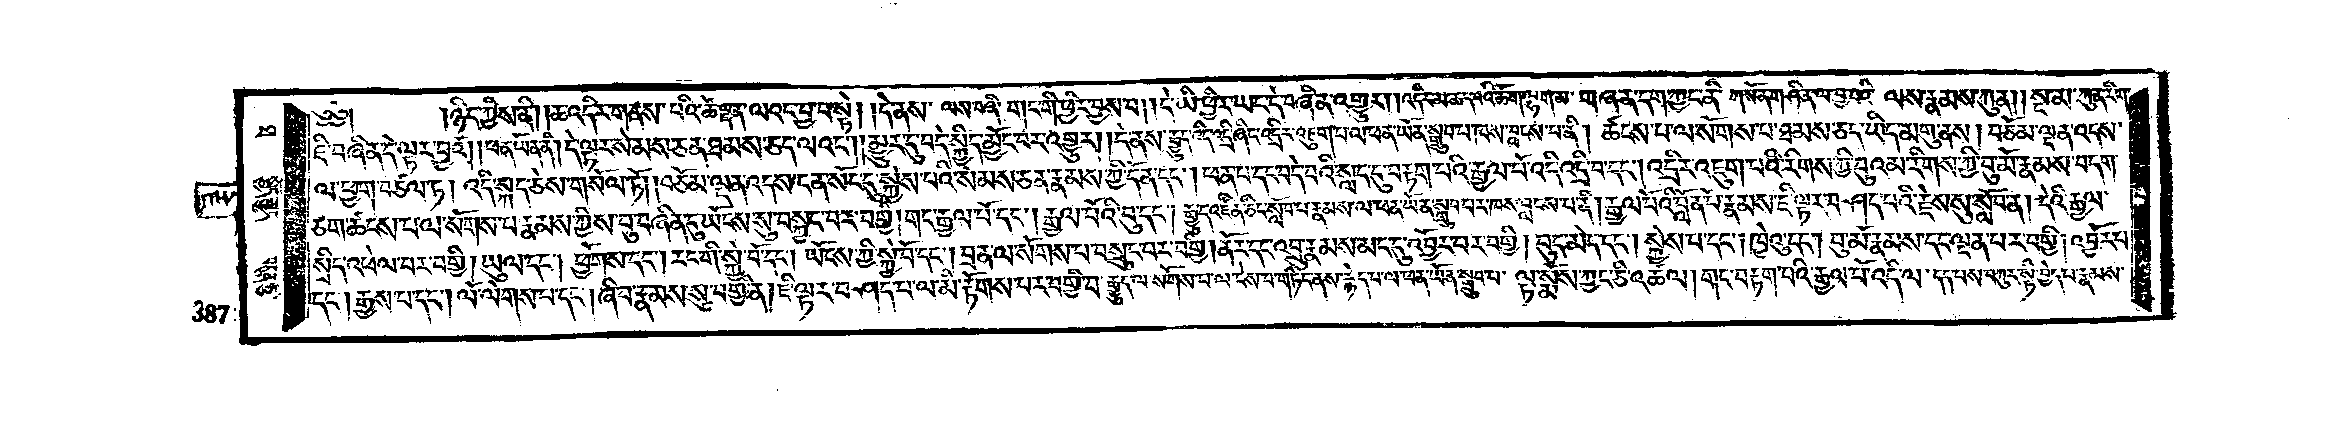༄༅། །ཉིད་ཀྱིས་ནི། །ཆ་འདིར་གནས་པའི་ཚེ་ལྡན་ལའང་བྱ་བ་སྟེ། །དེ་ནས་ལས་བཞི་གང་གི་ཕྱིར་བྱས་པ། །དེ་ཡི་ཕྱིར་ཡང་དེ་བཞིན་འགྱུར། ། འདིར་མ་ཆད་པའི་ཆོ་ག་ལྷག་མ་གཞན་དག་ཀྱང་ནི་གསོན་གཤིན་ལ་བྱ་བའི་ལས་རྣམས་ཀུན། །སྔ་མ་ཀུན་རིག་
ཇི་བཞིན་དེ་ལྟར་བྱའོ། ། ཕན་ཡོན་ནི།  །དེ་ལྟར་སེམས་ཅན་ཐམས་ཅད་ལའང་། །མྱུར་དུ་བདེ་སྐྱིད་མྱོང་བར་འགྱུར། །དེ་ནས་རྒྱུད་འདི་འདྲི་ཞིང་འདྲིར་འཇུག་པ་ལ་ཕན་ཡོན་སྒྲུབ་པ་ཁས་བླངས་པ་ནི།  ཚངས་པ་ལ་སོགས་པ་ཐམས་ཅད་ཡིད་མགུ་ནས། བཅོམ་ལྡན་འདས་
ལ་ཕྱག་བཙལ་ཏེ། འདི་སྐད་ཅེས་གསོལ་ཏོ། །བཅོམ་ལྡན་འདས་ངན་སོང་དུ་སྐྱེས་པའི་སེམས་ཅན་རྣམས་ཀྱི་དོན་དང་། ཕན་པ་དང་བདེ་བའི་སླད་དུ་བརྟག་པའི་རྒྱལ་པོ་འདི་འདྲི་བ་དང་། འདྲིར་འཇུག་པའི་རིགས་ཀྱི་བུའམ་རིགས་ཀྱི་བུ་མོ་རྣམས་བདག་
ཅག་ཚངས་པ་ལ་སོགས་པ་རྣམས་ཀྱིས་བུ་བཞིན་དུ་ཡོངས་སུ་བསྐྱང་བར་བགྱི། གང་རྒྱལ་པོ་དང་། རྒྱལ་པོའི་བུ་དང་། རྒྱུད་འཛིན་ཅིང་སློབ་པ་རྣམས་ལ་ཕན་ཡོན་སྒྲུབ་པར་ཁས་བླངས་པ་ནི།  རྒྱལ་པོའི་བློན་པོ་རྣམས་ཇི་ལྟར་བཤད་པའི་རྗེས་སུ་སློབ་ན། དེའི་རྒྱལ་
སྲིད་འཕེལ་བར་བགྱི། ཡུལ་དང་། ཕྱོགས་དང་། རང་གི་སྐྱེ་བོ་དང་། ཡོངས་ཀྱི་སྐྱེ་བོ་དང་། བྲན་ལ་སོགས་པ་བསྲུང་བར་བགྱི། ནོར་དང་འབྲུ་རྣམས་མང་དུ་འབྱོར་པར་བགྱི། བུད་མེད་དང་། སྐྱེས་པ་དང་། ཁྱེའུ་དང་། བུ་མོ་རྣམས་དང་ལྡན་པར་བགྱི། འབྱོར་པ་
དང་། རྒྱས་པ་དང་། ལོ་ལེགས་པ་དང་། ཞི་བ་རྣམས་སུ་བགྱི་ནི། ཇི་ལྟར་བཤད་པ་ལ་མི་རྟོགས་པར་བགྱི་བ་རྒྱུད་ལ་སོགས་པ་ལ་ངེས་པ་གཏིང་ནས་རྙེད་པ་ལ་ཕན་ཡོན་སྒྲུབ་པ་ལྟ་སྨོས་ཀྱང་ཅི་འཚལ། གང་བརྟག་པའི་རྒྱལ་པོ་འདི་ལ་དད་པས་བཀུར་སྟི་བྱེད་པ་རྣམས་